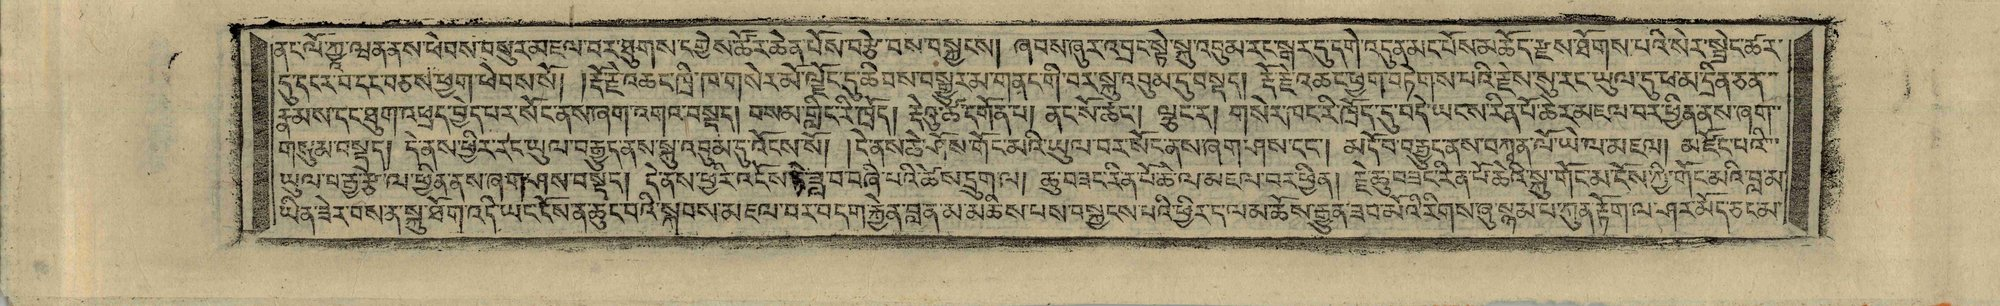ནང་ལོ་ཀྱཱ་ཝན་ནས་ཕེབས་བསུར་མཇལ་བར་ཐུགས་དགྱེས་ཚོར་ཆེན་པོས་བརྩེ་བས་བསྐྱངས། ཞབས་ཞུར་འབྲང་སྟེ་སྐུ་འབུམ་རང་སྒར་དུ་དགེ་འདུན་མང་པོས་མཆོད་རྫས་ཐོགས་པའི་སེར་སྦྲེང་ཚར་
དུ་དངར་བ་དང་བཅས་ཕྱག་ཕེབས་སོ། །རྡོ་རྗེ་འཆང་ཁྲི་ཁ་གསེར་མོ་ལྗོང་དུ་ཆིབས་བསྒྱུར་མ་གནང་གི་བར་སྐུ་འབུམ་དུ་བསྡད། རྡོ་རྗེ་འཆང་ཕྱག་བཏེགས་པའི་རྗེས་སུ་རང་ཡུལ་དུ་ཕ་མ་དྲིན་ཅན་
རྣམས་དང་ཐུག་འཕྲད་བྱེད་པར་སོང་ནས་ཞག་འགའ་བསྡད། བསམ་གླིང་རི་ཁྲོད། རྡེའུ་ཚ་དགོན་པ། ནང་སོ་ཚང་། ལྕང་ར། གསེར་ཁང་རི་ཁྲོད་དུ་བདེ་ཡངས་རིན་པོ་ཆེར་མཇལ་བར་ཕྱིན་ནས་ཞག་
གསུམ་བསྡད། དེ་ནས་ཕྱིར་རང་ཡུལ་བརྒྱུད་ནས་སྐུ་འབུམ་དུ་འོངས་སོ། །དེ་ནས་ཆེ་ཤོས་གོང་མའི་ཡུལ་བར་སོང་ནས་ཞག་ཤས་དང་། མདོ་བ་བརྒྱུད་ནས་བཀྭན་ལོ་ཡེ་ལ་མཇལ། མཛོད་པའི་
ཡུལ་པ་རྒྱ་རྩེ་ལ་ཕྱིན་ནས་ཞག་ཤས་བསྡད། དེ་ནས་ཕྱིར་འོངས་ཏེ་ཟླ་བ་བཞི་པའི་ཚེས་དྲུག་ལ། ཆུ་བཟང་རིན་པོ་ཆེ་ལ་མཇལ་བར་ཕྱིན། རྗེ་ཆུ་བཟང་རིན་པོ་ཆེའི་སྐུ་གོང་མ་ངོས་ཀྱི་གོང་མའི་བླ་མ་
ཡིན་ཟེར་བས་ན་སྐུ་ཐོག་འདི་ཡང་ངོས་ན་ཆུང་བའི་སྐབས་མཇལ་བར་བདག་རྐྱེན་བླ་ན་མ་མཆིས་པས་བསྐྱངས་པའི་ཕྱིར་ད་ལམ་ཆོས་རྒྱུན་ཟབ་མོའི་རིགས་ཞུ་སྙམ་པ་ཀུན་རྟོག་ལ་ཤར་མོད་ཅང་མ་